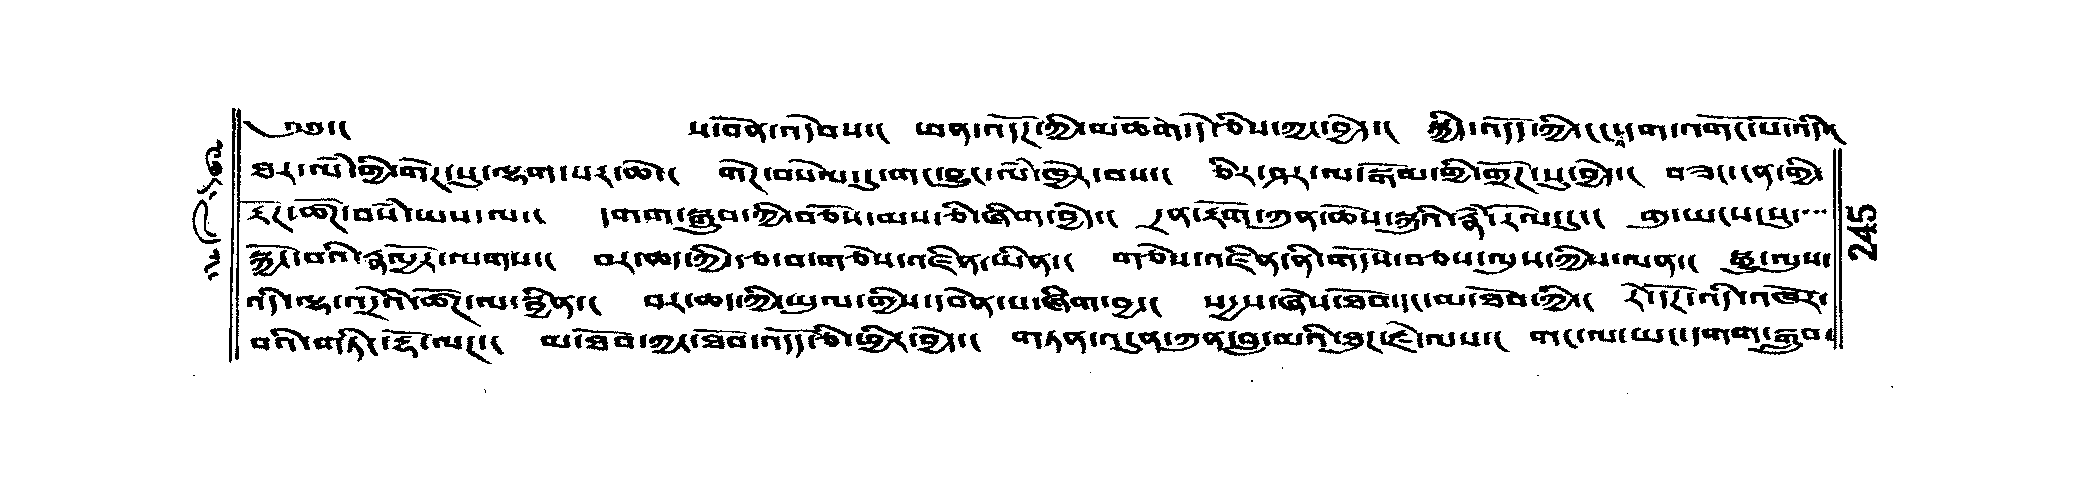ས་བོན་འདེབས། །ཕན་འདོགས་ཀྱི་མཆོག་དེ་ཅིས་ཀྱང་བྱེད། །སྐྱིད་འདོད་ཀྱི་ང་བདག་འགོང་པོ་འདི། །
ཐར་ལམ་གྱི་གེགས་སུ་ལྷག་པར་ཆེ། །གེགས་སེལ་དུ་གང་བྱུང་ལམ་ཁྱེར་བས། །ཅིར་ཤར་ལ་སྒོམ་གྱི་གྲོགས་སུ་བྱེད། །བཟང་ངན་གྱི་
རྟོག་ཚོགས་བསམ་ཡས་ལ། །དགག་སྒྲུབ་ཀྱི་བཅོས་མས་ཅི་ཞིག་བྱེད། །བར་ཆད་ཀྱི་རྩ་བ་གཅེས་འཛིན་ཡིན། །དྲན་རྟེན་ཀུན་ཆོས་སྐུའི་རྣམས་རོལ་དུ་ གུ་ཡངས་སུ
སྐྱེ་བའི་རྣམ་འབྱོར་ལགས་ བར་ཆད་ཀྱི་རྕ་བ་གཅེས་འཛིན་ཡིན་ གཅེས་འཛིན་ནི་གདོས་བཅས་ལུས་ཀྱིས་ལན། །སྒྱུ་ལུས་
འདི་ལྷ་འདྲེའི་ཚོགས་ལ་སྦྱིན། །བར་ཆད་ཀྱི་ཡུལ་གྱིས་དབེན་པ་ཞིག་བྱ། །སངས་རྒྱས་ཞེས་ཐོབ་དང་མ་ཐོབ་ཀྱི། །རེ་དོགས་འདི་འཁོར་
བའི་གཏིང་རྡོ་ལགས། །མ་ཐོབ་ཀྱང་ཐོབ་འདོད་ཅིའི་ཕྱིར་བྱེད། །གཏན་འདུན་ཀུན་བླ་མའི་ཐུགས་རྗེ་ལས། །གང་ལ་ཡང་དགག་སྒྲུབ་